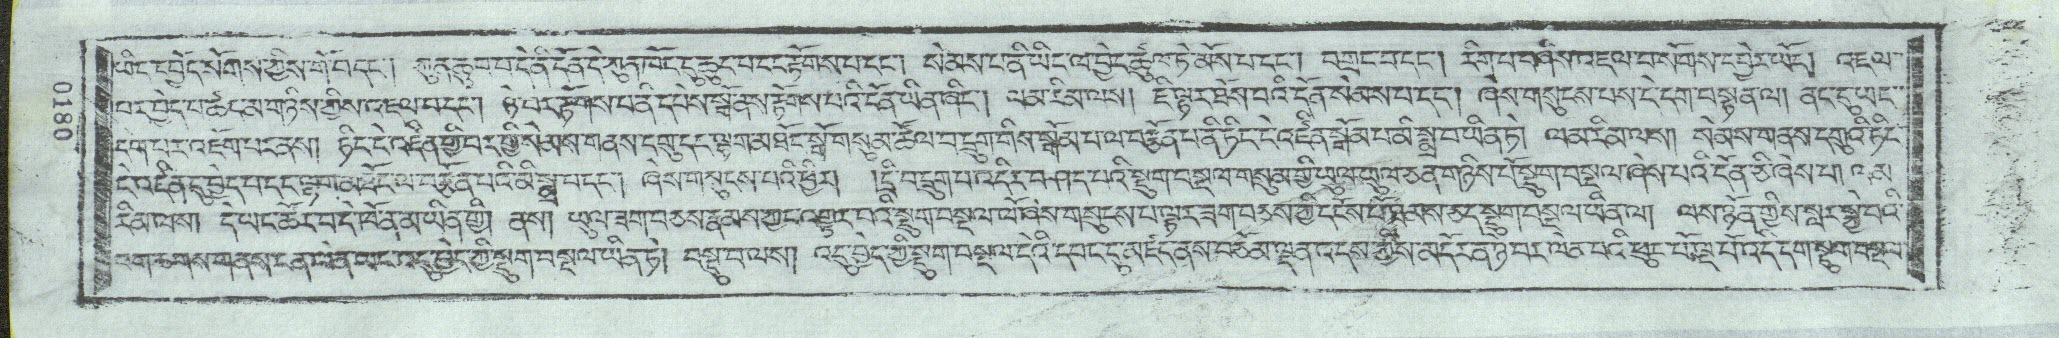ཡིད་དཔྱོད་སོགས་ཀྱིས་གོ་བ་དང་། ཀུན་ཆུབ་པ་དེ་ནི་དོན་དེ་ཀུན་ཁོང་དུ་ཆུད་པ་དང་རྟོགས་པ་དང་། སེམས་པ་ནི་ཡིད་ལ་བྱེད་ཚུལ་ཏེ་མོས་པ་དང་། བགྲང་བ་དང་། རིག་པ་བཞིས་འཇལ་བ་སོགས་དབྱེར་ཡོད། འཇལ་
བར་བྱེད་པ་ཚད་མ་གཉིས་ཀྱིས་འཇལ་བ་དང་། ཉེ་བར་རྟོགས་པ་ནི་དཔེས་སྒོ་ནས་རྟོགས་པའི་དོན་ཡིན་ཞིང་། ལམ་རིམ་ལས། ཇི་ལྟར་ཐོས་པའི་དོན་སེམས་པ་དང་། ཞེས་གསུངས་པས་དེ་དག་བསྟན་ལ། ནང་དུ་ཡང་
དག་པར་འཇོག་པར་ནས། ཏིང་ངེ་འཛིན་གྱི་བར་གྱི་སེམས་གནས་དགུ་དང་ལྷག་མཐོང་སྒོ་གསུམ་ཚོལ་པ་དྲུག་གིས་སྒོམ་པ་ལ་བརྩོན་པ་ནི་ཏིང་ངེ་འཛིན་སྒོམ་པ་མི་སྨྲ་བ་ཡིན་ཏེ། ལམ་རིམ་ལས། སེམས་གནས་དགུའི་ཏིང་
ངེ་འཛིན་དུ་བྱེད་པ་དང་ལྷག་མཐོང་ལ་བརྩོན་པའི་མི་སྨྲ་པ་དང་། ཞེས་གསུངས་པའི་ཕྱིར། །དྲི་བ་དྲུག་པ་འདིར་བཤད་པའི་སྡུག་བསྔལ་གསུམ་གྱི་ཡུལ་ཡུལ་ཅན་གཉིས་པོ་སྡུག་བསྔལ་ཞེས་པའི་དོན་ཅི་ཞེས་པ། ལམ་
རིམ་ལས། དེ་ཡང་ཚོར་བ་དེ་ཁོ་ན་མ་ཡིན་གྱི། ནས། ཡུལ་ཟག་བཅས་རྣམས་ཀྱང་འགྱུར་བའི་སྡུག་བསྔལ་ལོ་ཞེས་གསུངས་པ་ལྟར་ཟག་བཅས་ཀྱི་དངོས་པོ་ཐམས་ཅད་སྡུག་བསྔལ་ཡིན་ལ། ལས་ཉོན་གྱིས་སླར་སྐྱེ་བའི་
བག་ཆགས་གནས་ངན་ལེན་ཡང་འདུ་བྱེད་ཀྱི་སྡུག་བསྔལ་ཡིན་ཏེ། བསྡུ་བ་ལས། འདུ་བྱེད་ཀྱི་སྡུག་བསྔལ་དེའི་དབང་དུ་མཛད་ནས་བཅོམ་ལྡན་འདས་ཀྱིས་མདོར་ན་ཉེ་བར་ལེན་པའི་ཕུང་པོ་ལྔ་པོ་འདི་དག་སྡུག་བསྔལ་